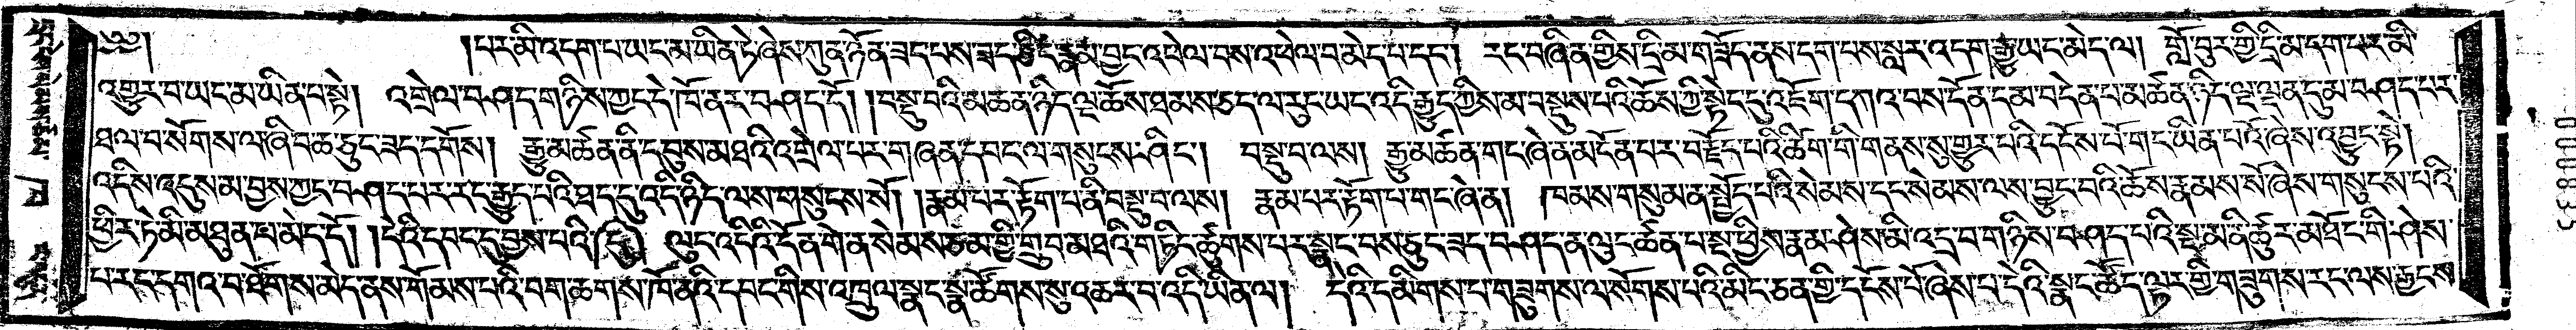༄༅། །པར་མི་འདག་པ་ཡང་མ་ཡིན་ཏེ་ཞེས་ཀུན་ཉོན་ཟད་པས་ཟད་ཅིང་རྣམ་བྱང་འཕེལ་བས་འཕེལ་བ་མེད་པ་དང་། རང་བཞིན་གྱིས་དྲི་མ་གཟོད་ནས་དག་པས་སླར་འདག་རྒྱུ་ཡང་མེད་ལ། གློ་བུར་གྱི་དྲི་མ་དག་པར་མི་
འགྱུར་བ་ཡང་མ་ཡིན་པ་སྟེ། འགྲེལ་བཤད་གཉིས་ཀྱང་དེ་ཁོ་ནར་བཤད་དོ། །བསྡུ་བའི་མཚན་ཉིད་ལྔ་ཆོས་ཐམས་ཅད་ལ་རུང་ཡང་འདི་རྒྱུད་ཀྱིས་མ་བསྡུས་པའི་ཆོས་ཀྱི་སྟེང་དུ་འཇོག་དཀའ་བས་དོན་དམ་བདེན་པ་མཚན་ཉིད་ལྔ་ལྡན་དུ་མ་བཤད་པར་
ཐལ་བ་སོགས་ལ་ཞིབ་ཆ་ཅུང་ཟད་དགོས། རྒྱུ་མཚན་ནི་དབུས་མཐའི་འགྲེལ་པར་གཞན་དབང་ལ་གསུངས་ཤིང་། བསྡུ་བ་ལས། རྒྱུ་མཚན་གང་ཞེ་ན་མངོན་པར་བརྗོད་པའི་ཚིག་གི་གནས་སུ་གྱུར་པའི་དངོས་པོ་གང་ཡིན་པའོ་ཞེས་འབྱུང་སྟེ།
འདིས་འདུས་མ་བྱས་ཀྱང་བཤད་པར་རང་རྒྱུད་པའི་ཐད་དུ་འདི་ཉིད་ལས་གསུངས་སོ། །རྣམ་པར་རྟོག་པ་ནི་བསྡུ་བ་ལས། རྣམ་པར་རྟོག་པ་གང་ཞེ་ན། ཁམས་གསུམ་ན་སྤྱོད་པའི་སེམས་དང་སེམས་ལས་བྱུང་བའི་ཆོས་རྣམས་སོ་ཞེས་གསུངས་པའི་
ཕྱིར་ཏེ་མི་མཐུན་པ་མེད་དོ། །དེའི་དབང་དུ་བྱས་པའི ༼དུ༽ ལུང་འདིའི་དོན་གོ་ན་སེམས་ཙམ་གྱི་གྲུབ་མཐའི་གཏིང་ཚུགས་པར་སྣང་བས་ཅུང་ཟད་བཤད་ན་ལུང་ཚན་པ་སྔ་ཕྱིས་རྣམ་ཤེས་མི་འདྲ་བ་གཉིས་བཤད་པའི་སྔ་མ་ནི་ཚུར་མཐོང་གི་ཤེས་
པ་རང་དགའ་བ་ཐོགས་མེད་ནས་གོམས་པའི་བག་ཆགས་ཁོ་ནའི་དབང་གིས་འཁྲུལ་སྣང་སྣ་ཚོགས་སུ་འཆར་བ་འདི་ཡིན་ལ། དེའི་དམིགས་པ་གཟུགས་ལ་སོགས་པའི་མིང་ཅན་གྱི་དངོས་པོ་ཞེས་པ་དེའི་སྣང་ཚོད་ལྟར་གྱི་གཟུགས་རང་ལས་རྒྱངས་